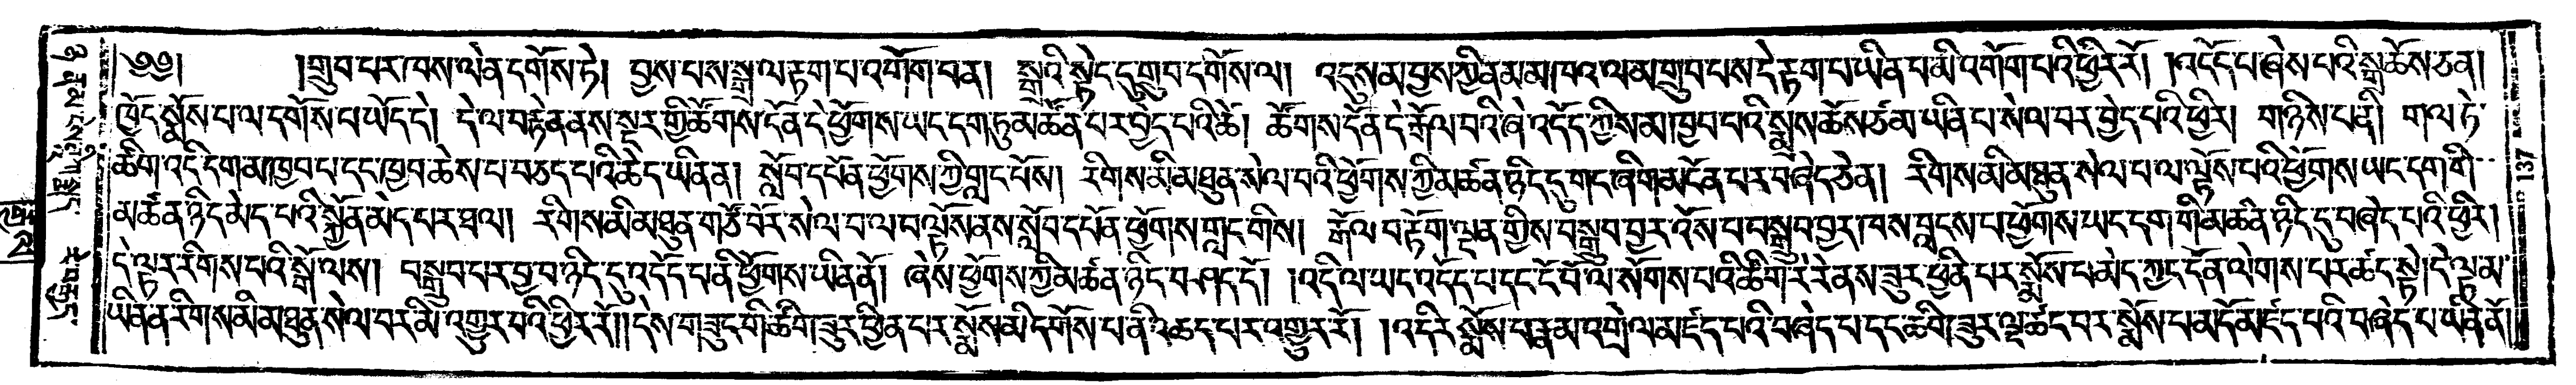༄༅། །གྲུབ་པར་ཁས་ལེན་དགོས་ཏེ། བྱས་པས་སྒྲ་ལ་རྟག་པ་འགོག་བ་ན། སྒྲའི་སྟེང་དུ་གྲུབ་དགོས་ལ། འདུས་མ་བྱས་ཀྱི་ནམ་མཁའ་ལམ་གྲུབ་པས་དེ་རྟག་པ་ཡིན་པ་མི་འགོག་པའི་ཕྱིར་རོ། །འདོད་པ་ཞེས་པའི་སྒྲ་ཆོས་ཅན།
ཁྱོད་སྨོས་པ་ལ་དགོས་པ་ཡོད་དེ། དེ་ལ་བརྟེན་ནས་སྔར་གྱི་ཚོགས་དོན་དེ་ཕྱོགས་ཡང་དག་ཏུ་མཚོན་པར་བྱེད་པའི་ཚེ། ཚོགས་དོན་དེ་རྒོལ་བའི་ཞེ་འདོད་ཀྱིས་མ་ཁྱབ་པའི་སྨྲས་ཆོས་ཙམ་ཡིན་པ་སེལ་བར་བྱེད་པའི་ཕྱིར། གཉིས་པ་ནི། གལ་ཏེ་
ཚིག་འདི་དག་མ་ཁྱབ་པ་དང་ཁྱབ་ཆེས་པ་བཅད་པའི་ཆེད་ཡིན་ན། སློབ་དཔོན་ཕྱོགས་ཀྱི་གླང་པོས། རིགས་མི་མཐུན་སེལ་བའི་ཕྱོགས་ཀྱི་མཚན་ཉིད་དུ་གང་ཞིག་མངོན་པར་བཞེད་ཅེ་ན། རིགས་མི་མཐུན་སེལ་པ་ལ་ལྟོས་པའི་ཕྱོགས་ཡང་དག་གི་
མཚན་ཉིད་མེད་པའི་སྐྱོན་མེད་པར་ཐལ། རིགས་མི་མཐུན་གཙོ་བོར་སེལ་བ་ལ་བལྟོས་ནས་སློབ་དཔོན་ཕྱོགས་གླང་གིས། རྒོལ་བ་རྟོག་ལྡན་གྱིས་བསྒྲུབ་བྱར་འོས་པ་བསྒྲུབ་བྱར་ཁས་བླངས་པ་ཕྱོགས་ཡང་དག་གི་མཚན་ཉིད་དུ་བཞེད་པའི་ཕྱིར།
དེ་ལྟར་རིགས་པའི་སྒོ་ལས། བསྒྲུབ་པར་བྱ་བ་ཉིད་དུ་འདོད་པ་ནི་ཕྱོགས་ཡིན་ནོ། ཞེས་ཕྱོགས་ཀྱི་མཚན་ཉིད་བཤད་དོ། །འདི་ལ་ཡང་འདོད་པ་དང་ངོ་བོ་ལ་སོགས་པའི་ཚིག་རེ་རེ་ནས་ཟུར་ཕྱིན་པར་སྨོས་པ་མེད་ཀྱང་དོན་ལེགས་པར་ཚང་སྟེ། དེ་ལྟ་མ་
ཡིན་ན་རིགས་མི་མཐུན་སེལ་བར་མི་འགྱུར་པའི་ཕྱིར་རོ། །དེས་གཟུང་གི་ཚིག་ཟུར་ཕྱིན་པར་སྨོས་མི་དགོས་པ་ནི་འཆད་པར་འགྱུར་རོ། །འདིར་སྨོས་པ་རྣམ་འགྲེལ་མཛད་པའི་བཞེད་པ་དང་ཚིག་ཟུར་ལྔ་ཚང་བར་སྨོས་པ་མདོ་མཛད་པའི་བཞེད་པ་ཡིན་ནོ།